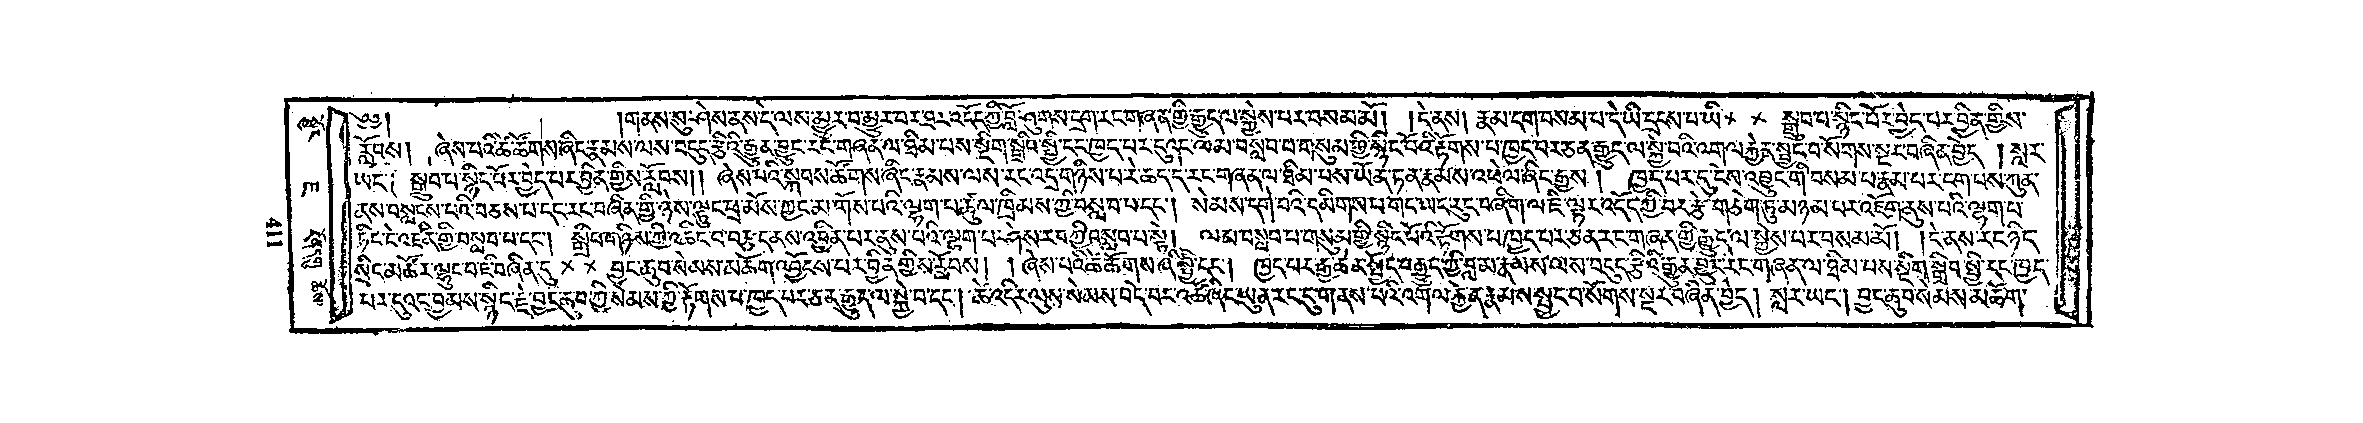༄༅། །གནས་སུ་ཤེས་ནས་དེ་ལས་མྱུར་བ་མྱུར་བར་ཐར་འདོད་ཀྱི་བློ་ཤུགས་དྲག་རང་གཞན་གྱི་རྒྱུད་ལ་སྐྱེས་པར་བསམ་མོ། །དེ་ནས། རྣམ་དག་བསམ་པ་དེ་ཡི་དྲངས་པ་ཡི་྾་྾་སྒྲུབ་པ་སྙིང་པོར་བྱེད་པར་བྱིན་གྱིས་
རློབས། ཞེས་པའི་ཚེ་ཚོགས་ཞིང་རྣམས་ལས་བདུད་རྩིའི་རྒྱུན་བྱུང་རང་གཞན་ལ་ཐིམ་པས་སྡིག་སྒྲིབ་སྤྱི་དང་ཁྱད་པར་དུའང་ལམ་བསླབ་པ་གསུམ་གྱི་སྙིང་པོའི་རྟོགས་པ་ཁྱད་པར་ཅན་རྒྱུད་ལ་སྐྱེ་བའི་འགལ་རྐྱེན་སྦྱང་བ་སོགས་སྔར་བཞིན་བྱེད། སླར་
ཡང་། སྒྲུབ་པ་སྙིང་པོར་བྱེད་པར་བྱིན་གྱིས་རློབས། །ཞེས་པའི་སྐབས་ཚོགས་ཞིང་རྣམས་ལས་རང་འདྲ་གཉིས་པ་རེ་ཆད་དེ་རང་གཞན་ལ་ཐིམ་པས་ཡོན་ཏན་རྣམས་འཕེལ་ཞིང་རྒྱས། ཁྱད་པར་དུ་ངེས་འབྱུང་གི་བསམ་པ་རྣམ་པར་དག་པས་ཀུན་
ནས་བསླངས་པའི་བཅས་པ་དང་རང་བཞིན་གྱི་ཉེས་ལྟུང་ཕྲ་མོས་ཀྱང་མ་གོས་པའི་ལྷག་པ་ཚུལ་ཁྲིམས་ཀྱི་བསླབ་པ་དང་། སེམས་དགེ་བའི་དམིགས་པ་གང་ཡང་རུང་བཞིག་ལ་ཇི་ལྟར་འདོད་ཀྱི་བར་རྩེ་གཅིག་ཏུ་མཉམ་པར་འཇོག་ནུས་པའི་ལྷག་པ་
ཏིང་ངེ་འཛིན་གྱི་བསླབ་པ་དང་། སྒྲིབ་གཉིས་ཀྱི་འཆིང་བ་བརྩད་ནས་འཕྱིན་པར་ནུས་པའི་ལྷག་པ་ཤེས་རབ་ཀྱི་བསླབ་པ་སྟེ། ལམ་བསླབ་པ་གསུམ་གྱི་སྙིང་པོའི་རྟོགས་པ་ཁྱད་པར་ཅན་རང་གཞན་གྱི་རྒྱུད་ལ་སྐྱེས་པར་བསམ་མོ། །དེ་ནས་རང་ཉིད་
སྲིད་མཚོར་ལྷུང་བ་ཇི་བཞིན་དུ་྾་྾་བྱང་ཆུབ་སེམས་མཆོག་འབྱོངས་པར་བྱིན་གྱིས་རློབས། །ཞེས་པའི་ཚེ་ཆོགས་ཞི་སྤྱི་དང་། ཁྱད་པར་རྒྱ་ཆེན་སྤྱོད་བརྒྱུད་ཀྱི་བླ་མ་རྣམས་ལས་བདུད་རྩིའི་རྒྱུན་བྱུང་རང་གཞན་ལ་ཐིམ་པས་སྡིག་སྒྲིབ་སྤྱི་དང་ཁྱད་
པར་དུའང་བྱམས་སྙིང་རྗེ་བྱང་ཆུབ་ཀྱི་སེམས་ཀྱི་རྟོགས་པ་ཁྱད་པར་ཅན་རྒྱུད་ལ་སྐྱེ་བ་དང་། ཚེ་འདིར་ལུས་སེམས་བདེ་བར་འཚོ་ཞིང་ཡུན་རང་དུ་གནས་པའི་འགལ་རྐྱེན་རྣམས་སྤྱང་བ་སོགས་སྔར་བཞིན་བྱེད། སླར་ཡང་། བྱང་ཆུབ་སེམས་མཆོག་